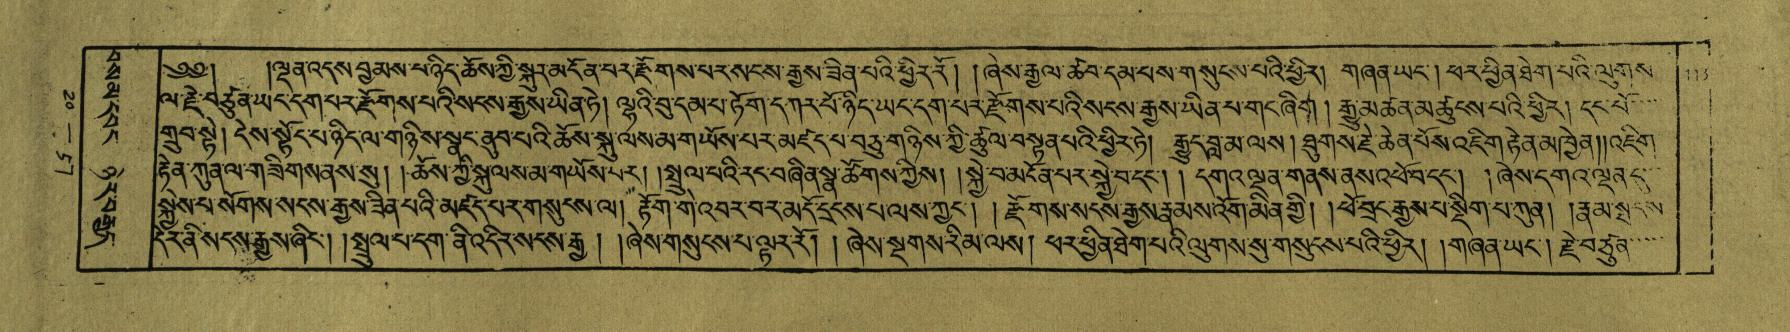༄༅། །ལྡན་འདས་བྱམས་པ་ཉིད་ཆོས་ཀྱི་སྐུར་མངོན་པར་རྫོགས་པར་སངས་རྒྱས་ཟིན་པའི་ཕྱིར་རོ། །ཞེས་རྒྱལ་ཚབ་དམ་པས་གསུངས་པའི་ཕྱིར། གཞན་ཡང་། ཕར་ཕྱིན་ཐེག་པའི་ལུགས་
ལ་རྗེ་བཙུན་ཡང་དག་པར་རྫོགས་པའི་སངས་རྒྱས་ཡིན་ཏེ། ལྷའི་བུ་དམ་པ་ཏོག་དཀར་པོ་ཉིད་ཡང་དག་པར་རྫོགས་པའི་སངས་རྒྱས་ཡིན་པ་གང་ཞིག། རྒྱུ་མཚན་མཚུངས་པའི་ཕྱིར། དང་པོ་
གྲུབ་སྟེ། དེས་སྟོང་པ་ཉིད་ལ་གཉིས་སྣང་ནུབ་པའི་ཆོས་སྐུ་ལས་མ་གཡོས་པར་མཛད་པ་བཅུ་གཉིས་ཀྱི་ཚུལ་བསྟན་པའི་ཕྱིར་ཏེ། རྒྱུད་བླ་མ་ལས། ཐུགས་རྗེ་ཆེན་པོས་འཇིག་རྟེན་མཁྱེན། །འཇིག་
རྟེན་ཀུན་ལ་གཟིགས་ནས་སུ། །ཆོས་ཀྱི་སྐུ་ལས་མ་གཡོས་པར། །སྤྲུལ་པའི་རང་བཞིན་སྣ་ཚོགས་ཀྱིས། །སྐྱེ་བ་མངོན་པར་སྐྱེ་བ་དང་། དགའ་ལྡན་གནས་ནས་འཕོ་བ་དང་། །ཞེས་དགའ་ལྡན་དུ་
སྐྱེས་པ་སོགས་སངས་རྒྱས་ཟིན་པའི་མཛད་པར་གསུངས་ལ། རྟོག་གེ་འབར་བར་མདོ་དྲངས་པ་ལས་ཀྱང་། །རྫོགས་སངས་རྒྱས་རྣམས་འོག་མིན་གྱི། །ཕོ་བྲང་རྒྱས་པ་སྡིག་པ་ཀུན། །རྣམ་སྤངས་
དེར་ནི་སངས་རྒྱས་ཞིང་། །སྤྲུལ་པ་དག་ནི་འདིར་སངས་རྒྱས། །ཞེས་གསུངས་པ་ལྟར་རོ། །ཞེས་སྔགས་རིམ་ལས། ཕར་ཕྱིན་ཐེག་པའི་ལུགས་སུ་གསུངས་པའི་ཕྱིར། །གཞན་ཡང་། རྗེ་བཙུན་